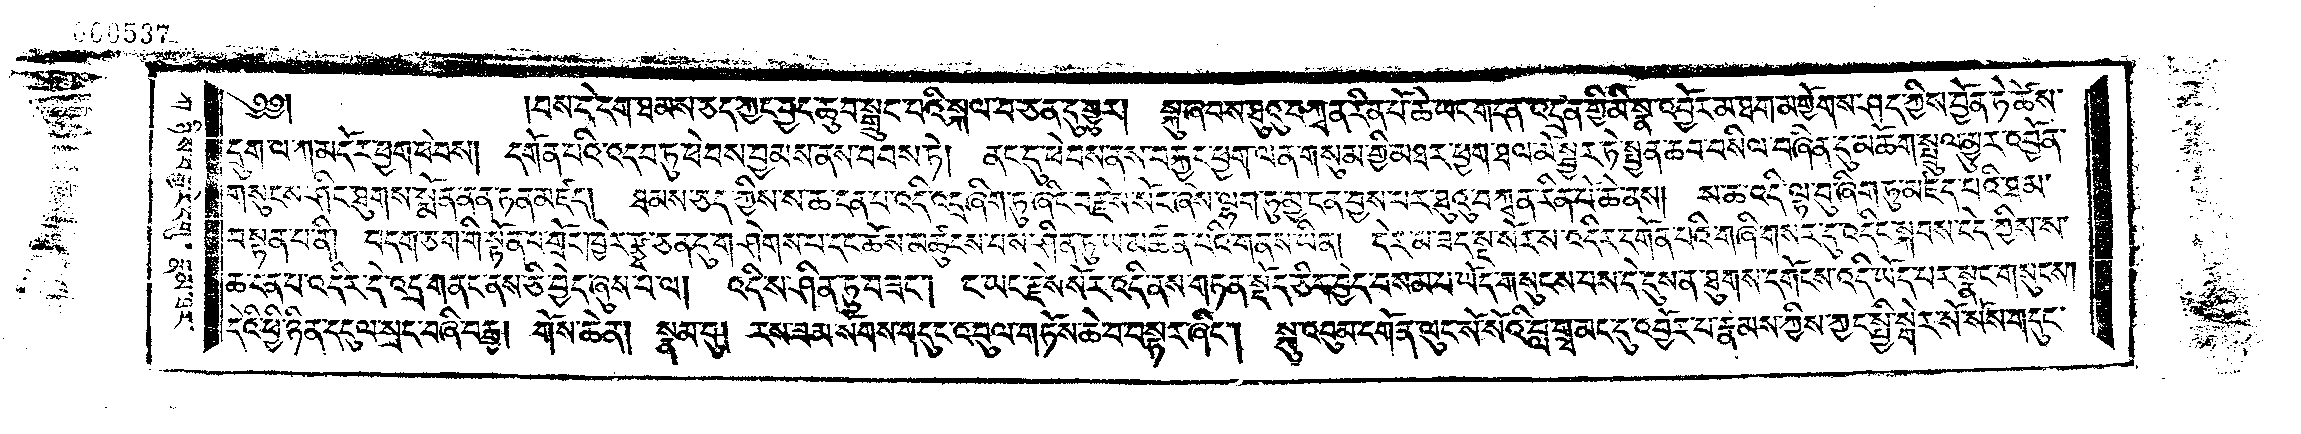༄༅། །བད་དེ་དག་ཐམས་ཅད་ཀྱང་བྱང་ཆུབ་སྒྲུབ་པའི་སྐལ་བ་ཅན་དུ་གྱུར། སྐུ་ཞབས་ཐུའུ་བཀྭན་རིན་པོ་ཆེ་ཡང་གདན་འདྲེན་གྱི་མི་སྣ་འབྱོར་མ་ཐག་མགྱོགས་ཤད་ཀྱིས་བྱོན་ཏེ་ཚེས་
དྲུག་ལ་ཀ་མདོར་ཕྱག་ཕེབས། དགོན་པའི་འདབ་ཏུ་ཕེབས་བྱམས་ནས་བབས་ཏེ། ནང་དུ་ཕེབས་ནས་བརྐྱང་ཕྱག་ལན་གསུམ་གྱི་མཐར་ཕྱག་ཐལ་མོ་སྦྱར་ཏེ་སྤྱན་ཆབ་བསིལ་བཞིན་དུ་མཆོག་སྤྲུལ་མྱུར་འབྱོན་
གསུངས་ཤིང་ཐུགས་སྨོན་ནན་ཏན་མཛད། ཐམས་ཅད་ཀྱིས་ས་ཆ་ངན་པ་འདི་འདྲ་ཞིག་ཏུ་ཞིང་བརྗེས་སོང་ཞེས་ལྷག་ཏུ་མྱ་ངན་བྱས་པར་ཐུའུ་བཀྭན་རིན་པོ་ཆེ་ནས། ས་ཆ་འདི་ལྟ་བུ་ཞིག་ཏུ་མཛད་པའི་ཐ་མ་
བསྟན་པ་ནི། བདག་ཅག་གི་སྟོན་པ་གྲོང་ཁྱེར་རྩྭ་ཅན་དུ་གཤེགས་པ་དང་ཆོས་མཚུངས་པས་ཤིན་ཏུ་ཡ་མཚན་པའི་གནས་ཡིན། དེར་མ་ཟད་སྔ་སོར་ས་འདིར་དགོན་པའི་གཞི་གསར་དུ་འདིང་སྐབས་ངེད་ཀྱིས་ས་
ཆ་ངན་པ་འདིར་དེ་འདྲ་གནང་ནས་ཅི་བྱེད་ཞུས་བ་ལ། འདི་ས་ཤིན་ཏུ་བཟང་། ང་ཡང་རྗེས་སོར་འདི་ནས་གཏན་སྡོད་ཅིག་བྱེད་བསམ་པ་ཡོད་གསུངས་པས་དེ་དུས་ན་ཐུགས་དགོངས་འདི་ཡོད་པར་སྣང་གསུངས།
དེའི་ཕྱི་ཉིན་དངུལ་སྲང་བཞི་བརྒྱ། གོས་ཆེན། སྣམ་བུ། རས་ཟམ་སོགས་གདུང་འབུལ་གཏོས་ཆེ་བ་བསྟར་ཞིང་། སྐུ་འབུམ་དགོན་ལུང་སོ་སོའི་བླ་གྲྭ་མང་དུ་འབྱོར་བ་རྣམས་ཀྱིས་ཀྱང་སྤྱི་སྒེར་སོ་སོས་གདུང་